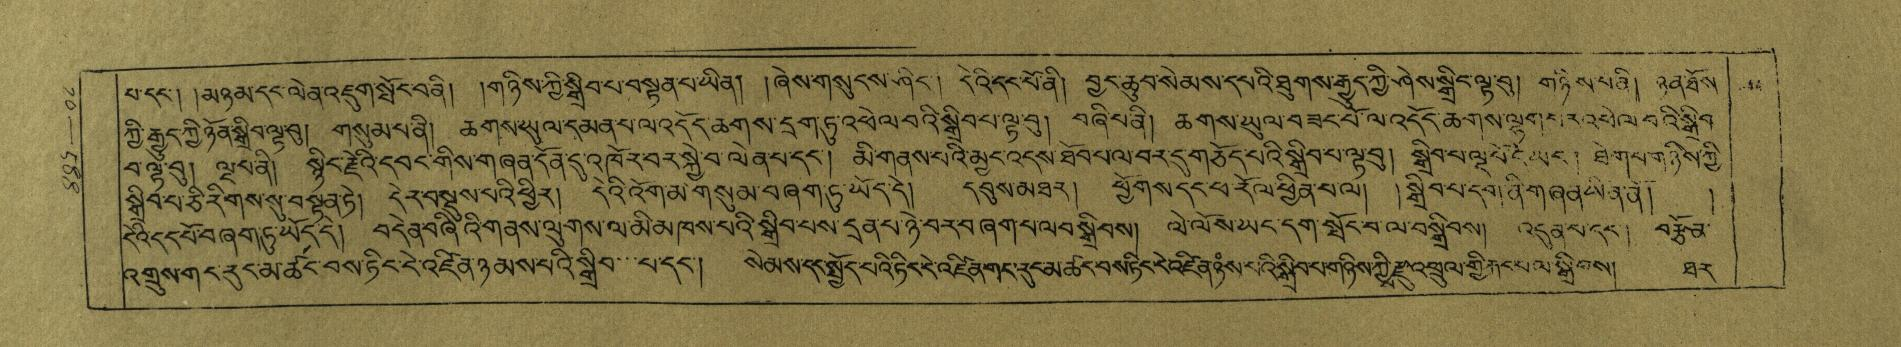པ་དང་། །མཉམ་དང་ལེན་འཇུག་སྤོང་བ་ནི། །གཉིས་ཀྱི་སྒྲིབ་པ་བསྟན་པ་ཡིན། །ཞེས་གསུངས་ཤིང་། དེའི་དང་པོ་ནི། བྱང་ཆུབ་སེམས་དཔའི་ཐུགས་རྒྱུད་ཀྱི་ཤེས་སྒྲིང་ལྟ་བུ། གཉིས་པ་ནི། ཉན་ཐོས་
ཀྱི་རྒྱུད་ཀྱི་ཉོན་སྒྲིབ་ལྟ་བུ། གསུམ་པ་ནི། ཆགས་ཡུལ་དམན་པ་ལ་འདོད་ཆགས་དྲག་ཏུ་འཕེལ་བའི་སྒྲིབ་པ་ལྟ་བུ། བཞི་པ་ནི། ཆགས་ཡུལ་བཟང་པོ་ལ་འདོད་ཆགས་ལྷག་པར་འཕེལ་བའི་སྒྲིབ་
བ་ལྟ་བུ། ལྔ་པ་ནི། སྙིང་རྗེའི་དབང་གིས་གཞན་དོན་དུ་འཁོར་བར་སྐྱེ་བ་ལེན་པ་དང་། མི་གནས་པའི་མྱང་འདས་ཐོབ་པ་ལ་བར་དུ་གཅོད་པའི་སྒྲིབ་པ་ལྟ་བུ། སྒྲིབ་པ་ལྔ་པོ་དེ་ཡང་། ཐེག་པ་གཉིས་ཀྱི་
སྒྲིབ་པ་ཅི་རིགས་སུ་བསྟན་ཏེ། དེར་བསྡུས་པའི་ཕྱིར། དེའི་འོག་མ་གསུམ་བཞག་ཏུ་ཡོད་དེ། དབུས་མཐར། ཕྱོགས་དང་ཕ་རོལ་ཕྱིན་པ་ལ། །སྒྲིབ་པ་དག་ནི་གཞན་ཡིན་ནོ། །
དེའི་དང་པོ་བཞག་ཏུ་ཡོད་དེ། བདེན་བཞིའི་གནས་ལུགས་ལ་མི་མཁས་པའི་སྒྲིབ་པས་དྲན་པ་ཉེ་བར་བཞག་པ་ལ་བསྒྲིབས། ལེ་ལོས་ཡང་དག་སྤོང་བ་ལ་བསྒྲིབས། འདུན་པ་དང་། བརྩོན་
འགྲུས་གང་རུང་མཚང་བས་ཏིང་ངེ་འཛིན་ཉམས་པའི་སྒྲིབ་པ་དང་། སེམས་དང་སྤྱོད་པའི་ཏིང་ངེ་འཛིན་གང་རུང་མཚང་བས་ཏིང་ངེ་འཛིན་ཉཾས་པའི་སྒྲིབ་པ་གཉིས་ཀྱིས་རྫུ་འཕྲུལ་གྱི་རྐང་པ་ལ་སྒྲིབས། ཐར་